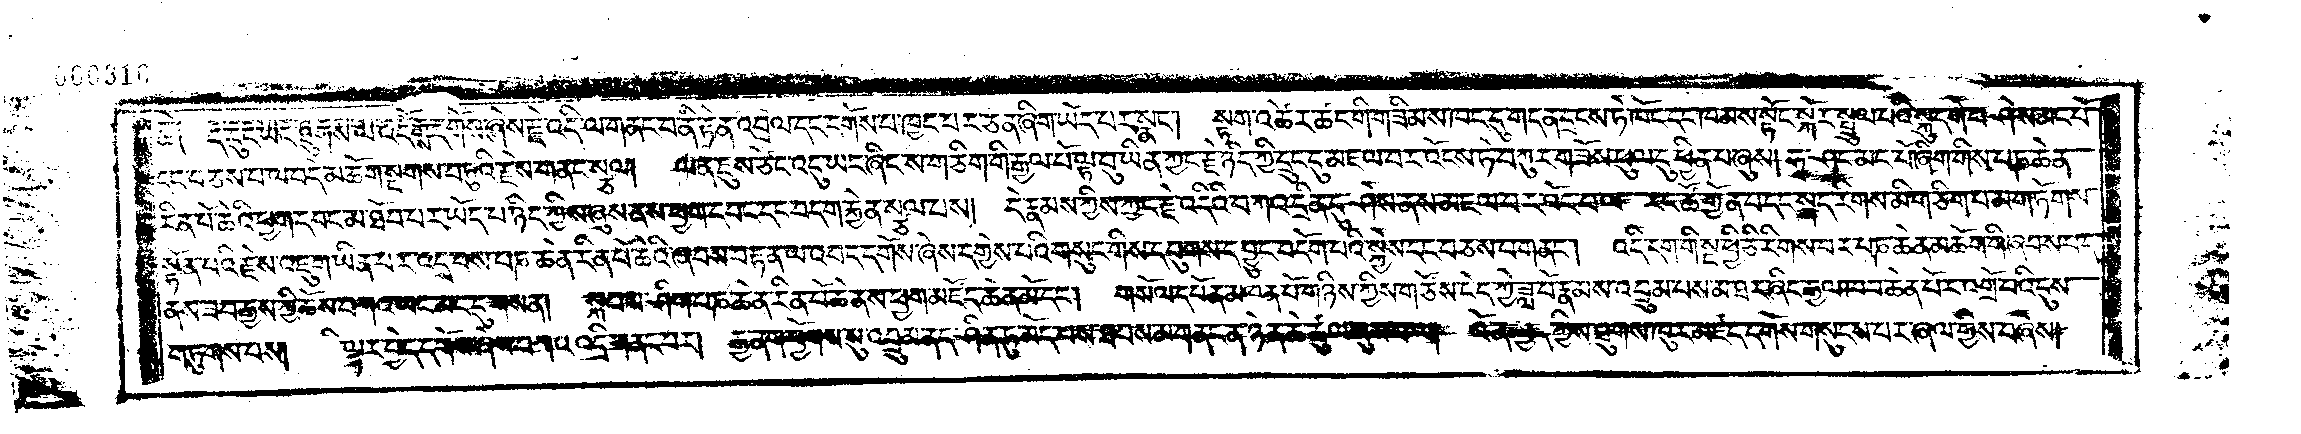ཆེ༑ ད་དུང་ཡང་ཐུགས་ལ་འདོགས་དགོས་ཞེས་རྗེ་འདི་ལ་གནང་བ་ནི་རྟེན་འབྲེལ་དང་དགོས་པ་ཁྱད་པར་ཅན་ཞིག་ཡོད་བར་སྣང་། སྟག་འཚེར་ཚང་གི་གཟིམས་ཁང་དུ་གདན་དྲངས་ཏེ་ཁོང་དང་ཁམས་སྟོང་སྐོར་སྤྲུལ་པའི་སྐུ་དགེ་བཤེས་མང་པོ་
དང་བཅས་པ་ལ་བདེ་མཆོག་སྔགས་བཏུའི་རྗེས་གནང་སྩལ། ལན་ཇུས་ཙེང་འདུ་ཡང་ཞིང་ས་གཅིག་གི་རྒྱལ་པོ་ལྟ་བུ་ཡིན་ཀྱང་རྗེ་ཉིད་ཀྱི་དྲུང་དུ་མཇལ་བར་འོངས་ཏེ་བཀུར་གཟོས་ཕུལ་དུ་ཕྱིན་པ་ཞུས། ཧྭ་ཤང་མང་པོ་ཞིག་གིས་པཎ་ཆེན་
རིན་པོ་ཆེའི་ཕྱག་དབང་མ་ཐོབ་པར་ཡོད་པ་ཉིད་ཀྱིས་ཞུས་ནས་ཕྱག་དབང་དང་བདག་རྐྱེན་སྩལ་པས། དེ་རྣམས་ཀྱིས་ཀྱང་རྗེ་འདིའི་བཀའ་དྲིན་དུ་ཤེས་ནས་མཇལ་བར་འོང་བ་ལ་རང་ཚོ་གྱོན་པ་དང་སྐད་རིགས་མི་གཅིག་པ་མ་གཏོགས་
སྟོན་པའི་རྗེས་འཇུག་ཡིན་པར་འདྲ་བས་པཎ་ཆེན་རིན་པོ་ཆེའི་ཞབས་བརྟན་ལ་འབད་དགོས་ཞེས་དགྱེས་པའི་གསུང་གིས་དབུགས་དབྱུང་བདོག་པའི་སྐྱེས་དང་བཅས་པ་གནང་། འདི་དག་གི་སྔ་ཕྱི་ཅི་རིགས་པར་པཎ་ཆེན་མཆོག་གི་ཞབས་པད་
ནས་ཟབ་རྒྱས་ཀྱི་ཆོས་བཀའ་ཡང་མང་དུ་གསན། སྐབས་ཤིག་པཎ་ཆེན་རིན་པོ་ཆེ་ནས་ཕྱག་མཛོད་ཆེན་མོ་དང་། གསོལ་དཔོན་མཁན་པོ་གཉིས་ཀྱིས་གཙོས་ངེད་ཀྱི་ཟླ་པོ་རྣམས་འབྲུམ་པས་མ་ཐར་ཞིང་རྒྱལ་ཁབ་ཆེན་པོར་འགྲོ་བའི་དུས་
གཏུགས་པས། ཇི་ལྟར་བྱེད་དགོས་ཞེས་བཀའ་འདྲི་གནང་བར། རྒྱ་ནག་ཕྱོགས་སུ་འབྲུམ་ནད་ཤིན་ཏུ་མོད་པས་ཐབས་མ་གནང་ན་ཉེན་ཆེ་ཚུལ་ཞུས་པ་ལ། འོན་ཁྱེད་ཀྱིས་ཐུགས་ཁུར་མཛད་དགོས་གསུངས་པར་ཞལ་གྱིས་བཞེས།